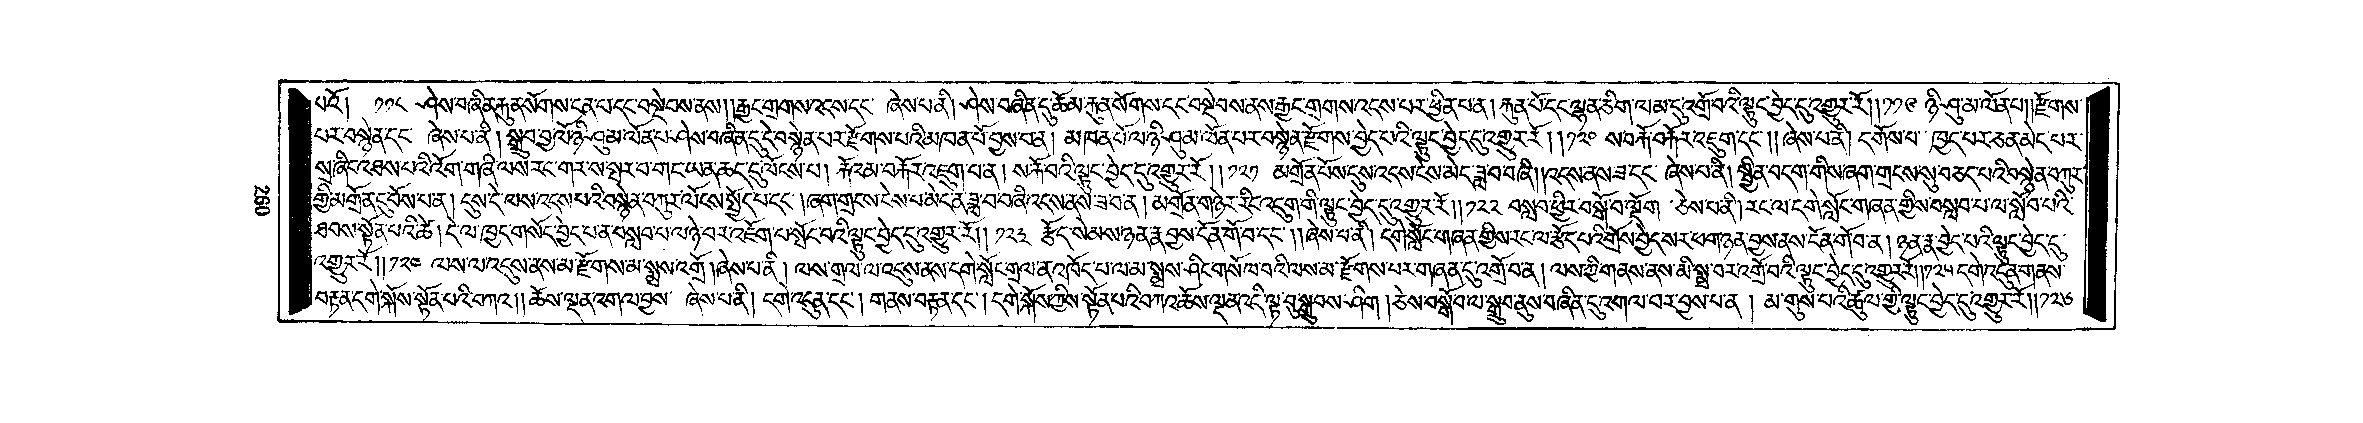པའོ། ཤེས་བཞིན་རྐུན་སོགས་ངན་པ་དང་བསྡེབས་ནས། །རྒྱང་གྲགས་འདས་དང་ཞེས་པ་ནི། ཤེས་བཞིན་དུ་ཆོམ་རྐུན་སོགས་དང་བསྡེབས་ནས་རྒྱང་གྲགས་འདས་པར་ཕྱིན་པ་ན། རྐུན་པོ་དང་ལྷན་ཅིག་ལམ་དུ་འགྲོ་བའི་ལྟུང་བྱེད་དུ་འགྱུར་རོ། །ཉི་ཤུ་མ་ལོན་པ། །རྫོགས་
པར་བསྙེན་དང་ཞེས་པ་ནི། སྒྲུབ་བྱ་ལོ་ཉི་ཤུ་མ་ལོན་པ་ཤེས་བཞིན་དུ་དེ་བསྙེན་པར་རྫོགས་པའི་མཁན་པོ་བྱས་པ་ན། མཁན་པོ་ལ་ཉི་ཤུ་མ་ལོན་པར་བསྙེན་རྫོགས་བྱེད་པའི་ལྟུང་བྱེད་དུ་འགྱུར་རོ། །ས་བརྐོ་བརྐོར་འཇུག་དང་། །ཞེས་པ་ནི། དགོས་པ་ཁྱད་པར་ཅན་མེད་པར་
སྲ་ཞིང་འཐས་པའི་འོག་གཞི་ལས་རང་གར་ས་སྤར་བ་གང་ཡན་ཆད་དུ་ལོངས་པ། རྐོའམ་བརྐོར་འཇུག་པ་ན། ས་རྐོ་བའི་ལྟུང་བྱེད་དུ་འགྱུར་རོ། །མགྲོན་པོས་དུས་འདས་ངེས་མེད་ཟླ་བ་བཞི། །འདས་ནས་ཟ་དང་ཞེས་པ་ནི། སྦྱིན་བདག་གིས་ཞག་གྲངས་སུ་བཅད་པའི་བསྙེན་བཀུར་
གྱི་མགྲོན་དུ་བོས་པ་ན། དུས་དེ་ལས་འདས་པའི་བསྙེན་བཀུར་ལོངས་སྤྱོད་པ་དང་། ཞག་གྲངས་ངེས་པ་མེད་ན་ཟླ་བ་བཞི་འདས་ནས་ཟ་བ་ན། མགྲོན་གཉེར་རིང་འདུག་གི་ལྟུང་བྱེད་དུ་འགྱུར་རོ། །བསླབ་ཕྱིར་བསྒོ་བ་ལྡོག་ཅེས་པ་ནི། རང་ལ་དགེ་སློང་གཞན་གྱིས་བསླབ་པ་ལ་སློབ་པའི་
ཐབས་སྟོན་པའི་ཚེ། དེ་ལ་ཁྱད་གསོད་བྱེད་པ་ན་བསླབ་པ་ལ་ཉེ་བར་འཇོག་པ་སྤོང་བའི་ལྟུང་བྱེད་དུ་འགྱུར་རོ། །རྩོད་སེམས་ཉན་རྣ་བྱས་དོན་གོ་བ་དང་། །ཞེས་པ་ནི། དགེ་སློང་གཞན་གྱིས་རང་ལ་རྩོད་པའི་གྲོས་བྱེད་སར་ཕག་ཉན་བྱས་ནས་དོན་གོ་བ་ན། ཉན་རྣ་བྱེད་པའི་ལྟུང་བྱེད་དུ་
འགྱུར་རོ། །ལས་ལ་འདུས་ནས་མ་རྫོགས་མ་སྨྲས་འགྲོ་།ཞེས་པ་ནི། ལས་གྲལ་ལ་འདུས་ནས་དགེ་སློང་གྲལ་ན་འཁོད་པ་ལ་མ་སྨྲས་ཤིང་གསོལ་བའི་ལས་མ་རྫོགས་པར་གཞན་དུ་འགྲོ་བ་ན། ལས་ཀྱི་གནས་ནས་མི་སྨྲ་བར་འགྲོ་བའི་ལྟུང་བྱེད་དུ་འགྱུར་རོ། །དགེ་འདུན་གནས་
བརྟན་དགེ་སྐོས་སྟོན་པའི་བཀའ། །ཆོས་ལྡན་འགལ་བྱས་ཞེས་པ་ནི། དགེ་འདུན་དང་། གནས་བརྟན་དང་། དགེ་སྐོས་ཀྱིས་སྟོན་པའི་བཀའ་ནྖོས་ལྡན་འདི་ལྟ་བུ་སྒྲུབས་ཤིག །ཅེས་བསྒོ་བ་ལ་སྒྲུབ་ནས་བཞིན་དུ་འགལ་བར་བྱས་པ་ན། མ་གུས་པའི་ཚུལ་གྱི་ལྟུང་བྱེད་དུ་འགྱུར་རོ། །